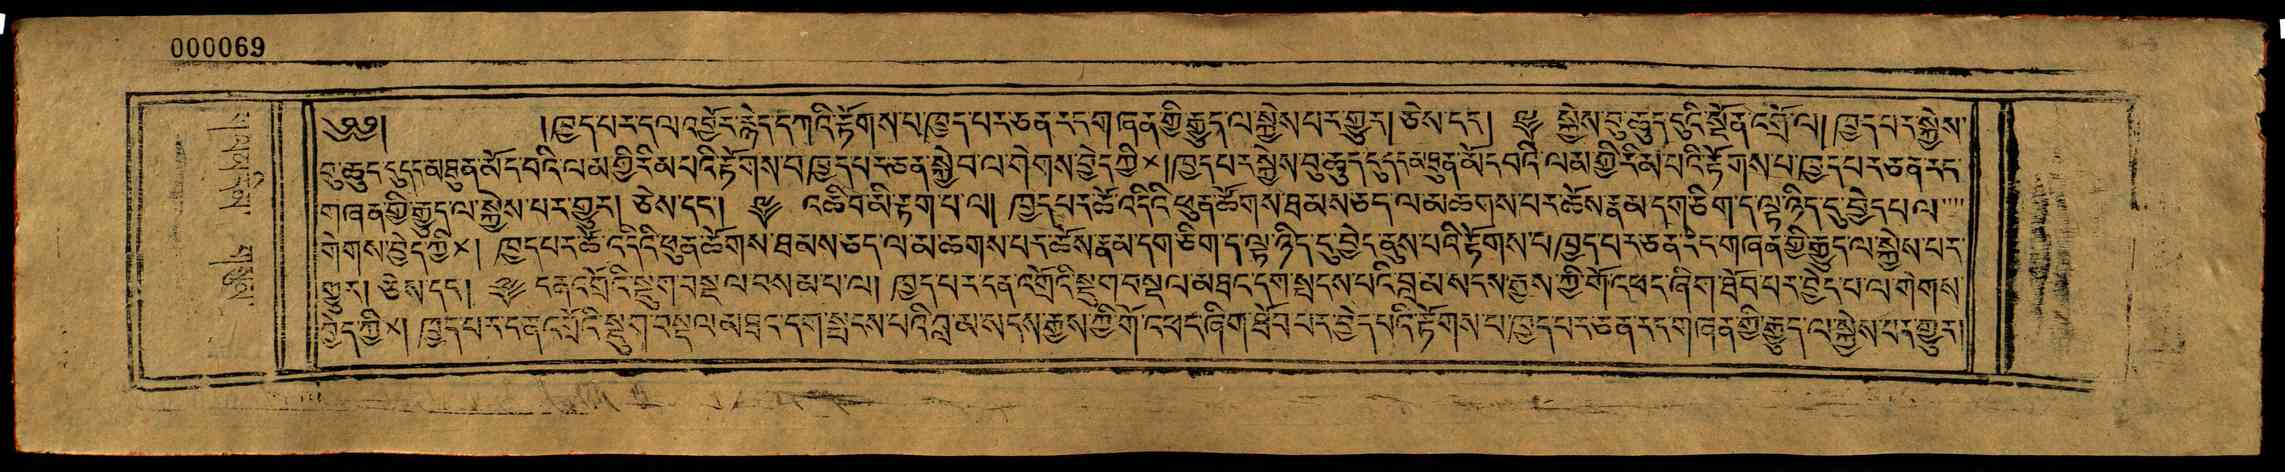༄༅། །ཁྱད་པར་དལ་འབྱོར་རྙེད་དཀའི་རྟོགས་པ་ཁྱད་པར་ཅན་རང་གཞན་གྱི་རྒྱུད་ལ་སྐྱེས་པར་གྱུར། ཅེས་དང་། ༈ སྐྱེས་བུ་ཆུང་ངུའི་སྔོན་འགྲོའི། ཁྱད་པར་སྐྱེས་
བུ་ཆུང་ངུ་དང་མཐུན་མོང་བའི་ལམ་གྱི་རིམ་པའི་རྟོགས་པ་ཁྱད་པར་ཅན་སྐྱེ་བ་ལ་གེགས་བྱེད་ཀྱི་྾། ཁྱད་པར་སྐྱེས་བུ་ཆུང་དུ་དང་མཐུན་མོང་བའི་ལམ་གྱི་རིམ་པའི་རྟོགས་པ་ཁྱད་པར་ཅན་རང་
གཞན་གྱི་རྒྱུད་ལ་སྐྱེས་པར་གྱུར། ཅེས་དང་། ༈ འཆི་བ་མི་རྟག་པ་ལ། ཁྱད་པར་ཚེ་འདིའི་ཕུན་ཚོགས་ཐམས་ཅད་ལ་མ་ཆགས་པར་ཆོས་རྣམ་དག་ཅིག་ད་ལྟ་ཉིད་དུ་བྱེད་པ་ལ་
གེགས་བྱེད་ཀྱི་྾། ཁྱད་པར་ཚེ་འདིའི་ཕུན་ཚོགས་ཐམས་ཅད་ལ་མ་ཆགས་པར་ཆོས་རྣམ་དག་ཅིག་ད་ལྟ་ཉིད་དུ་བྱེད་ནུས་པའི་རྟོགས་པ་ཁྱད་པར་ཅན་རང་གཞན་གྱི་རྒྱུད་ལ་སྐྱེས་པར་
གྱུར། ཅེས་དང་། ༈ ངན་འགྲོའི་སྡུག་བསྔལ་བསམ་པ་ལ། ཁྱད་པར་ངན་འགྲོའི་སྡུག་བསྔལ་མཐའ་དག་སྤངས་པའི་བླ་མ་སངས་རྒྱས་ཀྱི་གོ་འཕང་ཞིག་ཐོབ་པར་བྱེད་པ་ལ་གེགས་
བྱེད་ཀྱི་྾། ཁྱད་པར་ངན་འགྲོའི་སྡུག་བསྔལ་མཐའ་དག་སྤངས་པའི་བླ་མ་སངས་རྒྱས་ཀྱི་གོ་འཕང་ཞིག་ཐོབ་པར་བྱེད་པའི་རྟོགས་པ་ཁྱད་པར་ཅན་རང་གཞན་གྱི་རྒྱུད་ལ་སྐྱེས་པར་གྱུར།